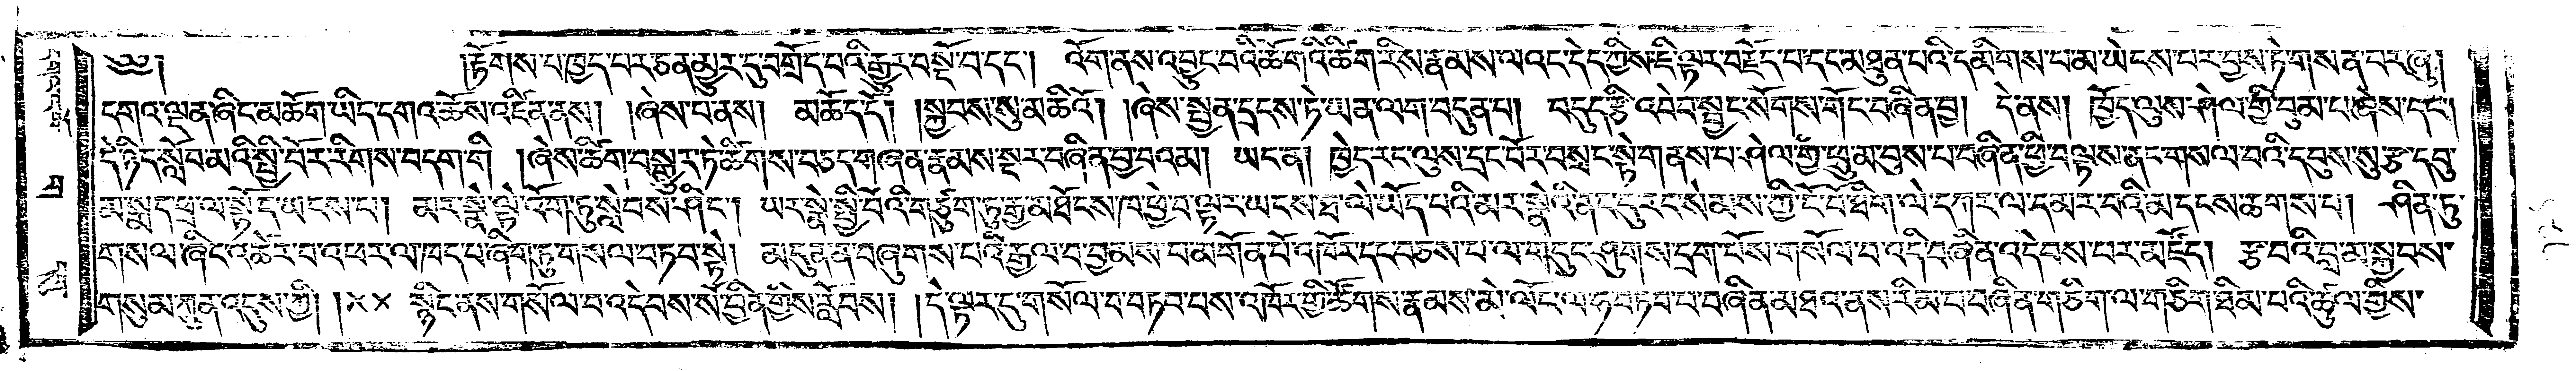༄༅། །རྟོགས་པ་ཁྱད་པར་ཅན་མྱུར་དུ་བགྲོད་པའི་རྒྱུར་བསྔོ་བ་དང་། འོག་ནས་འབྱུང་བའི་ཆོ་གའི་ཚིག་རིས་རྣམས་ལའང་དེད་ཀྱིས་ཇི་ལྟར་བརྗོད་པ་དང་མཐུན་པའི་དམིགས་པ་མ་ཡེངས་པར་བྱས་ཏེ་གསན་པར་ཞུ།
དགའ་ལྡན་ཞིང་མཆོག་ཡིད་དགའ་ཆོས་འཛིན་ནས། །ཞེས་བ་ནས། མཆོད་དོ། །སྐྱབས་སུ་མཆིའོ། །ཞེས་སྤྱན་དྲངས་ཏེ་ཡན་ལག་བདུན་པ། བདུད་རྩི་འབེབ་སྦྱང་སོགས་གོང་བཞིན་བྱ། དེ་ནས། ཁྱོད་ལུས་ཤེལ་གྱི་བུམ་པ་ཞེས་དང་།
དེ་ཉིད་སློབ་མའི་སྤྱི་བོར་རིགས་བདག་གི །ཞེས་ཚིག་བསྒྱུར་ཏེ་ཚིགས་བཅད་གཞན་རྣམས་སྔར་བཞིན་བྱ་བའམ། ཡང་ན། ཁྱེད་རང་ལུས་དྲང་བོར་བསྲང་སྟེ་གནས་པ་ཤེལ་གྱི་ཕྱ་མ་བུས་པ་བཞིན་ཕྱི་བལྟས་ནང་གསལ་བའི་དབུས་སུ་རྩ་དབུ་
མ་སྨད་ཕྲ་ལ་སྟོད་ཡངས་པ། མར་སྣེ་ལྟེ་འོག་ཏུ་སླེབས་ཤིང་། ཡར་སྣེ་སྤྱི་བོའི་གཙུག་ཏུ་རྒྱ་མཐོངས་ཁ་ཕྱེ་བ་ལྟར་ཡངས་ཐ་ལེ་ཡོད་པའི་མར་སྣེའི་ནང་དུ་རང་སེམས་ཀྱི་ངོ་བོ་ཐིག་ལེ་དཀར་ལ་དམར་བའི་མདངས་ཆགས་པ། ཤིན་ཏུ་
གསལ་ཞིང་འཚེར་བ་འཕར་ལ་ཁད་པ་ཞིག་ཏུ་གསལ་བཏབ་སྟེ། མདུན་ན་བཞུགས་པའི་རྒྱལ་བ་བྱམས་པ་མགོན་པོ་འཁོར་དང་བཅས་པ་ལ་གདུང་ཤུགས་དྲག་པོས་གསོལ་བ་འདི་བཞིན་འདེབས་པར་མཛོད། རྩ་བའི་བླ་མ་སྐྱབས་
གསུམ་ཀུན་འདུས་ཀྱི། །྾་྾་སྙིང་ནས་གསོལ་བ་འདེབས་སོ་བྱིན་གྱིས་རློབས། །དེ་ལྟར་དུ་གསོལ་བ་བཏབ་པས་འཁོར་གྱི་ཚོགས་རྣམས་མེ་ལོང་ལ་ཧ་བཏབ་པ་བཞིན་མཐའ་ནས་རིམ་པ་བཞིན་གཅིག་ལ་གཅིག་ཐིམ་པའི་ཚུལ་གྱིས་